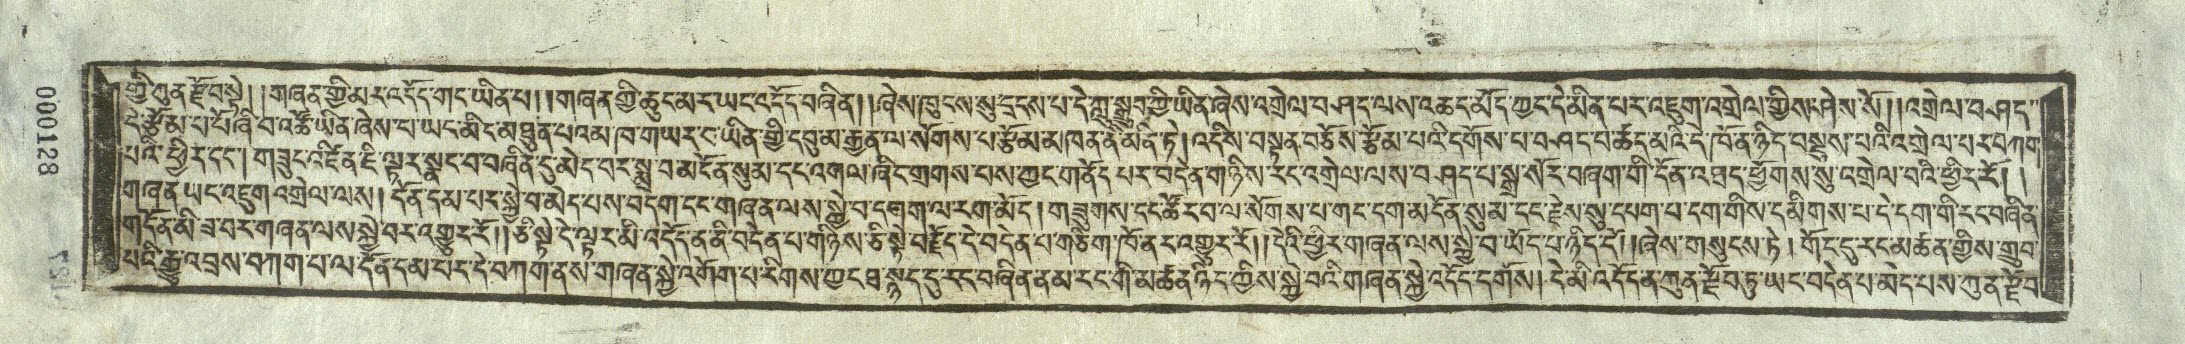གྱི་ཀུན་རྫོབ་སྟེ། །གཞན་གྱི་མར་འདོད་གང་ཡིན་པ། །གཞན་གྱི་ཆུང་མར་ཡང་འདོད་བཞིན། །ཞེས་ཁུངས་སུ་དྲངས་པ་དེ་ཀླུ་སྒྲུབ་ཀྱི་ཡིན་ཞེས་འགྲེལ་བཤད་ལས་འཚད་མོད་ཀྱང་ད་མིན་པར་འཇུག་འགྲེལ་གྱིས་ཤེས་སོ། །འགྲེལ་བཤད་
དེ་ཙོམ་པ་པོ་ཞི་བ་འཚོ་ཡིན་ཞེས་པ་ཡང་མིང་མཐུན་པའམ་ཁ་གཡར་བ་ཡིན་གྱི་དབུ་མ་རྒྱན་ལ་སོགས་པ་རྩོམ་མཁན་ནི་མིན་ཏེ། འདིས་བསྟན་བཅོས་རྩོམ་པའི་དགོས་པ་བཤད་པ་ཚད་མའི་དེ་ཁོ་ན་ཉིད་བསྡུས་པའི་འགྲེལ་པར་བཀག་
པའི་ཕྱིར་དང་། གཟུང་འཛིན་ཇི་ལྟར་སྣང་བ་བཞིན་དུ་མེད་པར་སྨྲ་བ་མངོན་སུམ་དང་འགལ་ཞིང་གྲགས་པས་ཀྱང་གནོད་པར་བདེན་གཉིས་རང་འགྲེལ་ལས་བཤད་པ་སྒྲ་སོར་བཞག་གི་དོན་འཐད་ཕྱོགས་སུ་འགྲེལ་བའི་ཕྱིར་རོ། །
གཞན་ཡང་འཇུག་འགྲེལ་ལས། དོན་དམ་པར་སྐྱེ་བ་མེད་པས་བདག་དང་གཞན་ལས་སྐྱེ་བ་དགག་ལ་རག་མོད། གཟུགས་དང་ཚོར་བ་ལ་སོགས་པ་གང་དག་མངོན་སུམ་དང་རྗེས་སུ་དཔག་པ་དག་གིས་དམིགས་པ་དེ་དག་གི་རང་བཞིན་
གདོན་མི་ཟ་བར་གཞན་ལས་སྐྱེ་བར་འགྱུར་རོ། །ཅི་སྟེ་དེ་ལྟར་མི་འདོད་ན་ནི་བདེན་པ་གཉིས་ཅི་སྟེ་བརྗོད་དེ་བདེན་པ་གཅིག་ཁོ་ནར་འགྱུར་རོ། །དེའི་ཕྱིར་གཞན་ལས་སྐྱེ་བ་ཡོད་པ་ཉིད་དོ། །ཞེས་གསུངས་ཏེ། གོང་དུ་རང་མཚན་གྱིས་གྲུབ་
པའི་རྒྱུ་འབྲས་བཀག་པ་ལ་དོན་དམ་པར་དེ་བཀག་ནས་གཞན་སྐྱེ་འགོག་པ་རིགས་ཀྱང་ཐ་སྙད་དུ་རང་བཞིན་ནམ་རང་གི་མཚན་ཉིད་ཀྱིས་སྐྱེ་བའི་གཞན་སྐྱེ་འདོད་དགོས། དེ་མི་འདོད་ན་ཀུན་རྫོབ་ཏུ་ཡང་བདེན་པ་མེད་པས་ཀུན་རྫོབ་